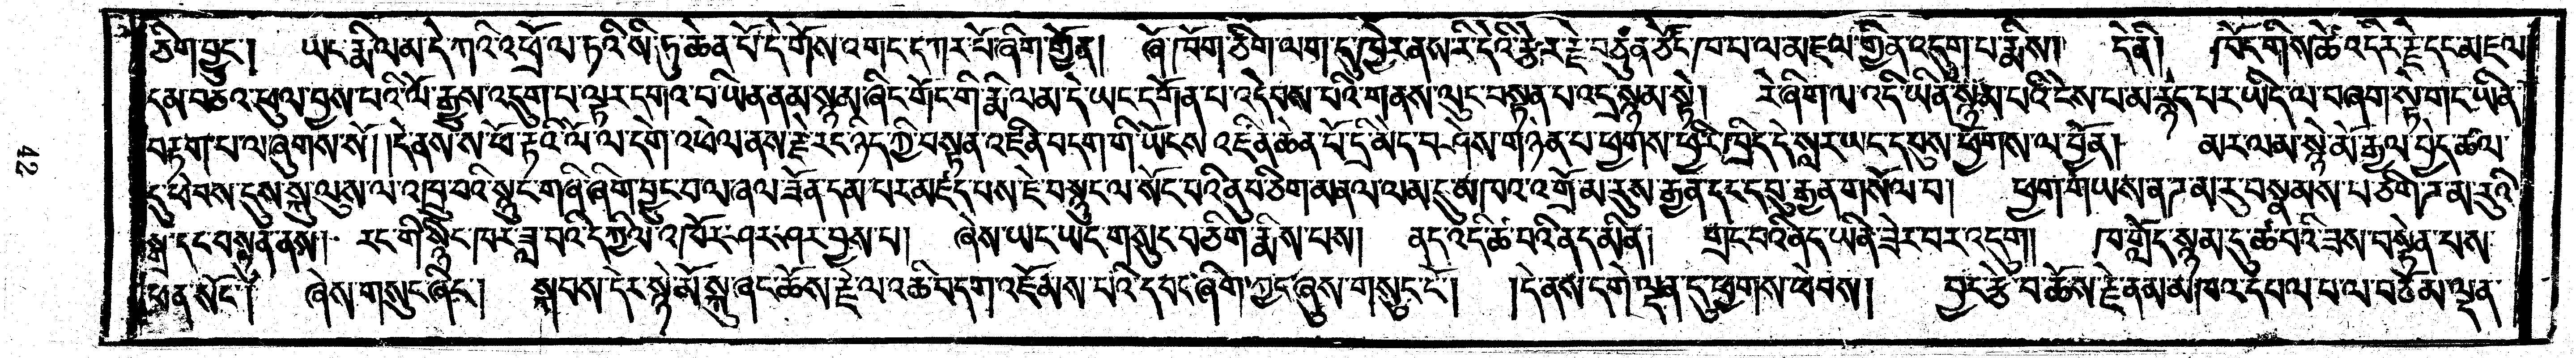ཅིག་བྱུང་། ཡང་རྨི་ལམ་དེ་ཀའི་འཕྲོ་ལ་ཏའི་སི་ཏུ་ཆེན་པོ་དེ་གོས་འགང་དཀར་པོ་ཞིག་གྱོན། ཞོ་ཁོག་ཅིག་ལག་དུ་ཁྱེར་ནས་རི་དེའི་རྩེར་རྗེ་བཙུན་ཙོང་ཁ་པ་ལ་མཇལ་གྱིན་འདུག་པ་རྨིས། དེ་ནི། ཁོང་གིས་ཚེ་འདིར་རྗེ་དང་མཇལ་
དམ་བཅའ་ཕུལ་བྱས་པའི་ལོ་རྒྱུས་འདུག་པ་ལྟར་དགའ་བ་ཡིན་ནམ་སྙམ་ཞིང་གོང་གི་རྨི་ལམ་དེ་ཡང་དགོན་པ་འདེབས་པའི་གནས་ལུང་བསྟན་པ་འདྲ་སྙམ་སྟེ། རེ་ཞིག་ལ་འདི་ཡིན་སྙམ་པའི་ངེས་པ་མ་རྙེད་པར་ཡིད་ལ་བཞག་སྟེ་གང་ཡིན་
བརྟག་པ་ལ་ཞུགས་སོ། །དེ་ནས་ས་ཕོ་རྟའི་ལོ་ལ་དགེ་འཕེལ་ནས་རྗེ་རང་ཉིད་ཀྱི་བསྟན་འཛིན་བདག་གི་ཡོངས་འཛིན་ཆེན་པོ་དྲི་མེད་བཤེས་གཉེན་པ་ཕྱག་ཕྱིར་ཁྲིད་དེ་སླར་ཡང་དབུས་ཕྱོགས་ལ་བྱོན། མར་ལམ་སྙེ་མོ་རྒྱལ་བྱེད་ཚལ་
དུ་ཕེབས་དུས་སྐུ་ལུས་ལ་འཁྲུ་བའི་སྙུང་གཞི་ཞིག་བྱུང་བ་ལ་ཞལ་ཟོན་དམ་པར་མཛད་པས་ཇེ་བསྙུང་ལ་སོང་བའི་ནུབ་ཅིག་མནལ་ལམ་དུ་མཁའ་འགྲོ་མ་རུས་རྒྱན་དང་དབུ་རྒྱན་གསོལ་བ། ཕྱག་གཡས་ན་ཌ་མ་རུ་བསྣམས་པ་ཅིག་ཌ་མ་རུའི་
སྒྲ་དང་བསྟུན་ནས། རང་གི་སྙིང་ཁར་ཟླ་བའི་དཀྱིལ་འཁོར་ཤར་ཤར་བྱས་པ། ཞེས་ཡང་ཡང་གསུང་བ་ཅིག་རྨིས་པས། ནད་འདི་ཚ་བའི་ནད་མིན། གྲང་བའི་ནད་ཡིན་ཟེར་བར་འདུག། ཁ་གློད་སྙམ་དུ་ཚ་བའི་ཟས་བསྟེན་པས་
ཕན་སོང་། ཞེས་གསུང་ཞིང་། སྐབས་དེར་སྙེ་མོ་སྐུ་ཞང་ཆོས་རྗེ་ལ་འཆི་བདག་འཇོམས་པའི་དབང་ཞིག་ཀྱང་ཞུས་གསུང་ངོ། །དེ་ནས་དགེ་ལྡན་དུ་ཕྱག་ཕེབས། བྱང་རྩེ་བ་ཆོས་རྗེ་ནམ་མཁའ་དཔལ་པ་ལ་བཅོམ་ལྡན་